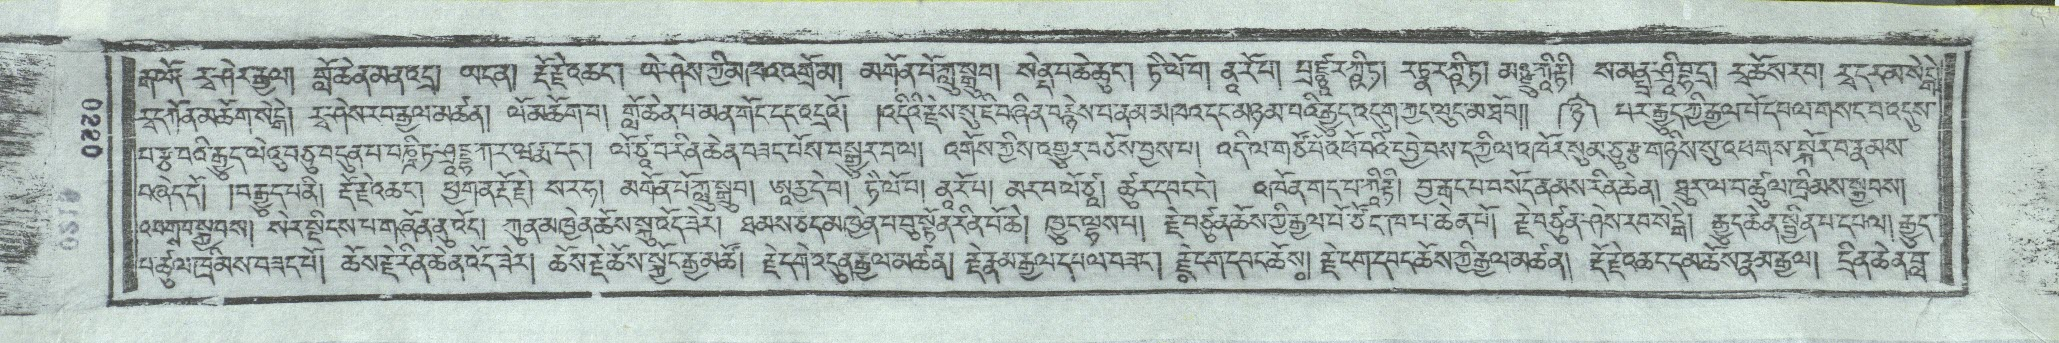རྒ་ལོ༑ རྭ་ཤེར་རྒྱལ། གློ་ཆེན་མན་འདྲ། ཡང་ན། རྡོ་རྗེ་འཆང་། ཡེ་ཤེས་ཀྱི་མཁའ་འགྲོ་མ། མགོན་པོ་ཀླུ་སྒྲུབ། སེནྡ་པ་ཆེ་ཆུང་། ཏཻ་ལོ་པ། ནཱ་རོ་པ། པྲཛྙཱ་རཀྵི་ཏ། རཏྣ་རཀྵི་ཏ། མཉྫུ་ཀཱིརྟི། ས་མནྡྲ་ཤྲཱི་བྷ་དྲ། རྭ་ཆོས་རབ། རྭ་དར་མ་སེངྒེ་
རྭ་དཀོན་མཆོག་སེངྒེ། རྭ་ཤེས་རབ་རྒྱལ་མཚན། ལོ་མཆོག་པ། གློ་ཆེན་པ་མན་གོང་དང་འདྲའོ། །འདིའི་རྗེས་སུ་ཇི་བཞིན་བརྙེས་པ་ནམ་མཁའ་དང་མཉམ་པའི་རྒྱུད་འདུག་ཀྱང་ལུང་མ་ཐོབ།། {ཉ}་པར་རྒྱུད་ཀྱི་རྒྱལ་པོ་དཔལ་གསང་བ་འདུས་
པ་རྩ་བའི་རྒྱུད་ལེའུ་བཅུ་བདུན་པ་པཎྜི་ཏ་ཤྲཱདྡྷ་ཀ་ར་ཝརྨ་དང་། ལོ་ཙཱ་བ་རིན་ཆེན་བཟང་པོས་བསྒྱུར་བ་ལ། འགོས་ཀྱིས་འགྱུར་བཅོས་བྱས་པ། འདི་ལ་གཙོ་བོ་འཕོ་བའི་དབྱེ་བས་དཀྱིལ་འཁོར་སུམ་ཅུ་རྩ་གཉིས་སུ་འཕགས་སྐོར་བ་རྣམས་
བཞེད་དོ། །བརྒྱུད་པ་ནི། རྡོ་རྗེ་འཆང་། ཕྱག་ན་རྡོ་རྗེ། ས་ར་ཧ། མགོན་པོ་ཀླུ་སྒྲུབ། ཨཱརྱ་དེ་བ། ཏཻ་ལོ་བ། ནཱ་རོ་པ། མར་པ་ལོ་ཙཱ། ཚུར་དབང་ངེ། འཁོ་ན་གང་པ་ཀཱིརྟི། བྱ་རྒང་བ་བསོད་ནམས་རིན་ཆེན། ཐུར་ལ་བ་ཚུལ་ཁྲིམས་སྐྱབས།
འཕགས་པ་སྐྱབས། སེར་སྡིངས་པ་གཞོན་ནུ་འོད། ཀུན་མཁྱེན་ཆོས་སྐུ་འོད་ཟེར། ཐམས་ཅད་མཁྱེན་པ་བུ་སྟོན་རིན་པོ་ཆེ། ཁྱུང་ལྷས་པ། རྗེ་བཙུན་ཆོས་ཀྱི་རྒྱལ་པོ་ཙོང་ཁ་པ་ཆེན་པོ། རྗེ་བཙུན་ཤེས་རབ་སེངྒེ། རྒྱུད་ཆེན་སྦྱིན་པ་དཔལ། རྒྱུད་
པ་ཚུལ་ཁྲིམས་བཟང་པོ། ཆོས་རྗེ་རིན་ཆེན་འོད་ཟེར། ཆོས་རྗེ་ཆོས་སྐྱོང་རྒྱ་མཚོ། རྗེ་དགེ་འདུན་རྒྱལ་མཚན། རྗེ་རྣམ་རྒྱལ་དཔལ་བཟང་། རྗེ་ངག་དབང་ཆོས། རྗེ་ངག་དབང་ཆོས་ཀྱི་རྒྱལ་མཚན། རྡོ་རྗེ་འཆང་དམ་ཆོས་རྣམ་རྒྱལ། དྲིན་ཆེན་བླ་